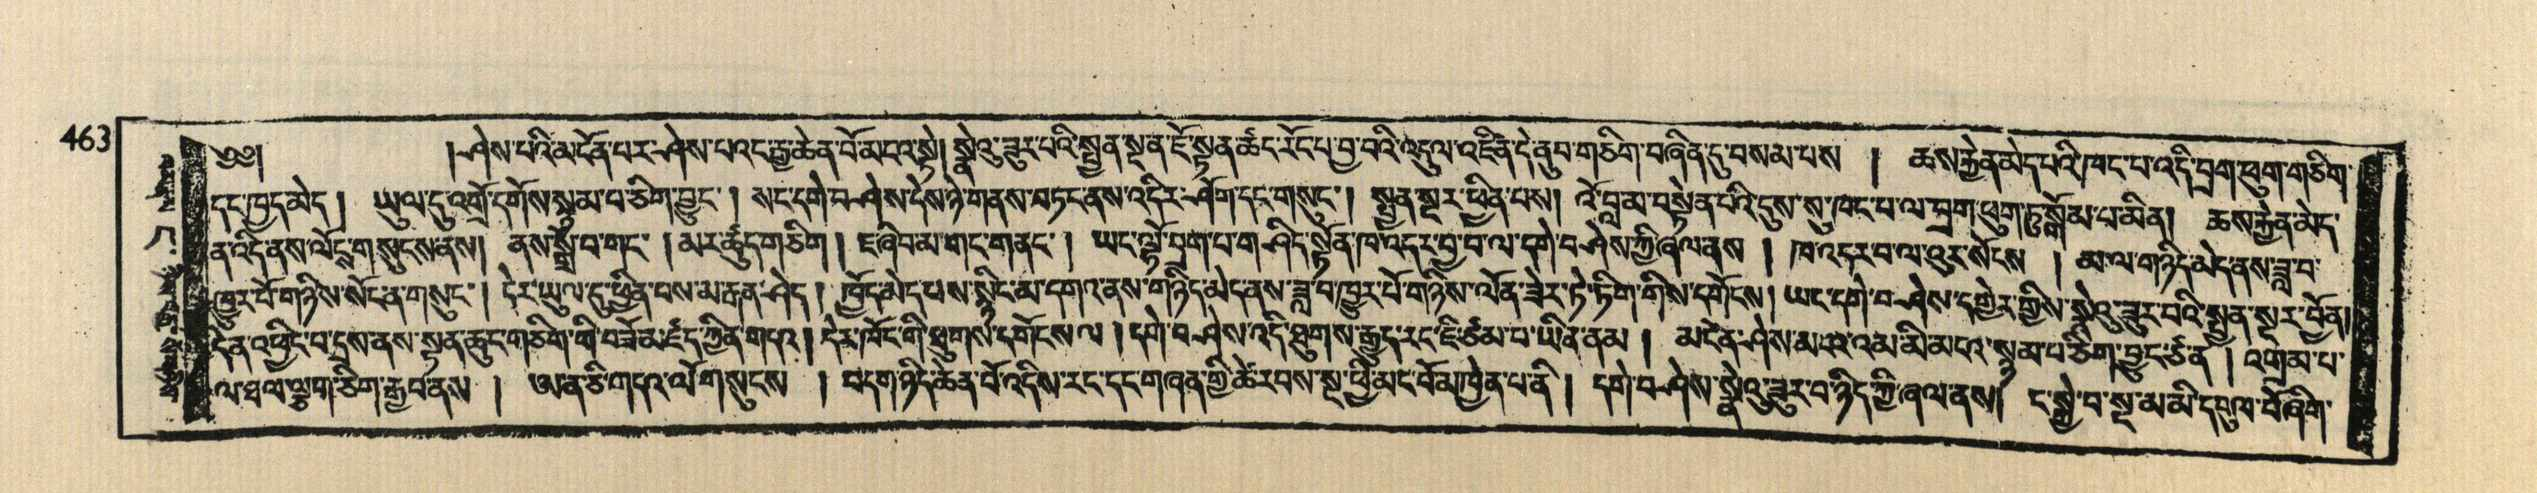༄༅། །ཤེས་པའི་མངོན་པར་ཤེས་པའང་རྒྱ་ཆེན་བོ་མངའ་སྟེ། སྣེའུ་ཟུར་པའི་སྤྱན་སྔ་ན་ཇོ་སྟན་ཚང་རོང་པ་བྱ་བའི་འདུལ་འདིན་དེ་ནུབ་གཅིག་བཞིན་དུ་བསམ་པས། ཆས་རྐྱེན་མེད་པའི་ཁང་པ་འདི་བྲག་ཕུག་གཅིག་
དང་ཁྱད་མེད། ཡུལ་དུ་འགྲོ་དགོས་སྙམ་པ་ཅིག་བྱུང་། སང་དགེ་བཤེས་དེས་ཉེ་གནས་བཏང་ནས་འདིར་ཤོག་དང་གསུང་། སྤྱན་སྔར་ཕྱིན་པས། འོ་བླ་མ་བསྟེན་པའི་དུས་སུ་ཁང་པ་ལ་བྲག་ཕུག་ཏུ་སྒོམ་པ་མིན། ཆས་རྐྱེན་མེད་
ན་འདི་ནས་ལོངས་གསུངས་ནས། ནས་སྒྲོ་བ་གང་།མར་ཚུད་གཅིག། ཇ་ཞིབ་མ་གང་གནང་། ཡང་ལྷོ་བྲག་པ་གཤིད་སྟོན་ཁ་འདར་བྱ་བ་ལ་དགེ་བཤེས་ཀྱི་ཞལ་ནས་།ཁ་འདར་བ་ལ་འུར་སོངས་།མ་ལ་གཉིད་མེད་ནས་ཟླ་བ་
ཁྱུར་པོ་གཉིས་སོང་ན་གསུང་། དེར་ཡུལ་དུ་ཕྱིན་པས་མ་རྒན་ཤེད། ཁྱོད་མེད་པས་སྙིང་མ་དགའ་ནས་གཉིད་མེད་ནས་ཟླ་བ་ཁྱུར་པོ་གཉིས་ལོན་ཟེར་ཏེ་ཏིག་གིས་དགོངས། ཡང་དགེ་བཤེས་དགྱེར་གྱིས་སྣེའུ་ཟུར་པའི་སྤྱན་སྔར་བྱོན།
དེ་ན་འཕྱིང་པ་དྲས་ནས་སྟན་ཆུང་གཅིག་གི་བཟོ་མཛད་ཀྱིན་གདའ། དེར་ཁོང་གི་ཐུགས་དགོངས་ལ་།དགེ་བཤེས་འདི་ཐུགས་རྒྱུད་རང་ཇི་ཙམ་པ་ཡིན་ནམ། མངོན་ཤེས་མངའ་འམ་མི་མངའ་སྙམ་པ་ཅིག་བྱུང་ཙ་ན་།འགྲམ་པ་
ལ་ཐལ་ལྕག་ཅིག་རྒྱབ་ནས། ཨ་ན་ཅི་གདའ་ལོ་གསུངས་།བདག་ཉིད་ཆེན་བོ་འདིས་རང་དང་གཞན་གྱི་ཚེ་རབས་སྔ་ཕྱི་མང་བོ་མཁྱེན་པ་ནི། དགེ་བཤེས་སྣེའུ་ཟུར་བ་ཉིད་ཀྱི་ཞལ་ནས། ང་སྐྱེ་བ་སྔ་མ་མི་དབུལ་བོ་ཞིག་